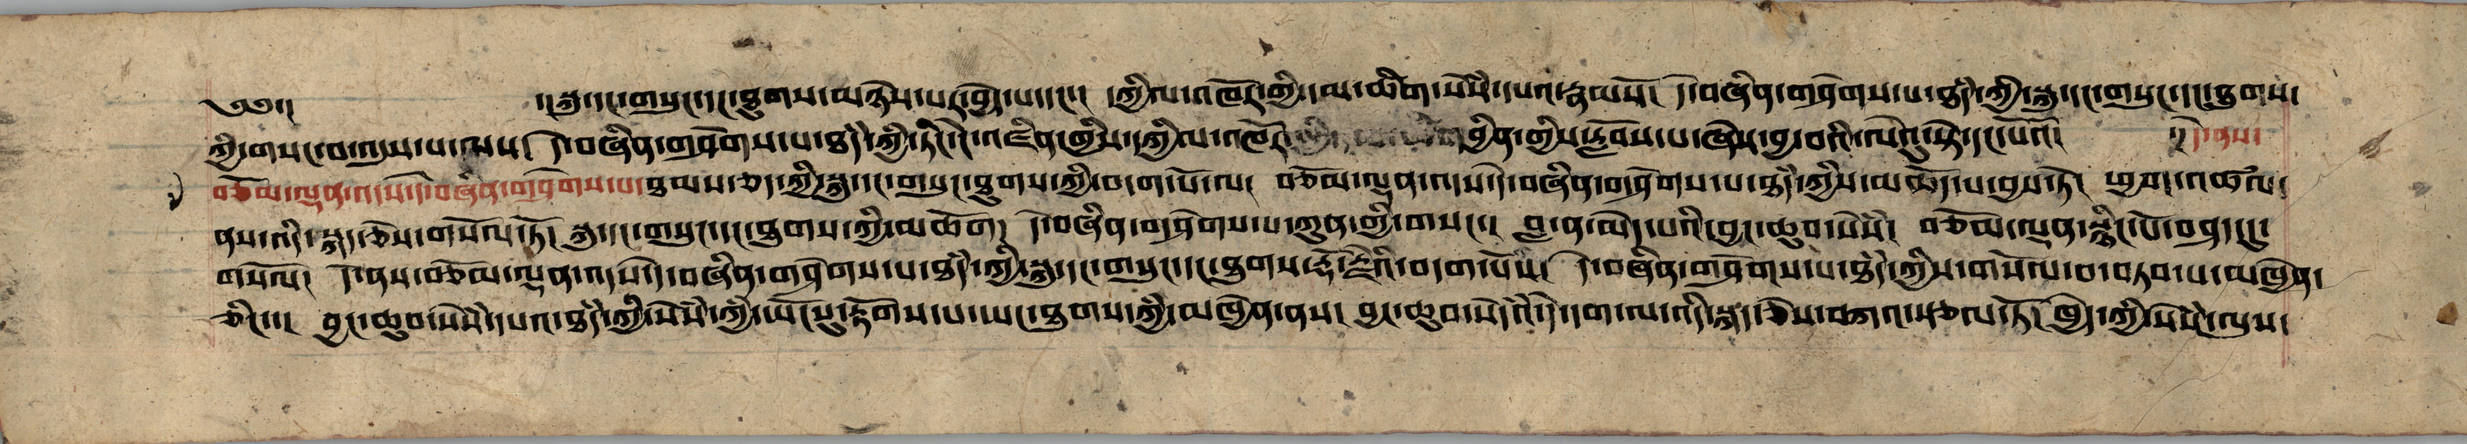༄༅་། ་།སྐུ་དང་གསུང་དང་ཐུགས་མཉེས་པར་བྱེད་པ་དང་། དཀྱིལ་འཁོར་གྱི་དམ་ཚིག་སེསཾ་དཔའ་རྣམསོ། དེ་བཞིན་གཤེགས་པ་ཐཾད་ཀྱི་སྐུ་དང་གསུང་དང་ཐུགས་
ཀྱི་གསང་བ་འདུས་པ་ལས། དེ་བཞིན་གཤེགས་པ་ཐཾད་ཀྱི་ཏིང་ངེ་འཛིན་གྱིས་དཀྱིལ་འཁོར་ བྱིན་གྱིས་རློབས་པ་ཞེས་བྱ་བའི་ལེའུ་སྟེ་དང་པོའོ། ་།དེ་ནས་
བཅོམ་ལྡན་འདས་དེ་བཞིན་གཤེགས་པ་ཐམས་ཅད་ཀྱི་སྐུ་དང་གསུང་ཐུགས་ཀྱི་བདག་པོལ། བཅོམ་ལྡན་འདས་དེ་བཞིན་གཤེགས་པ་ཐཾད་ཀྱིས་མཆོད་པ་བྱས་ཏེ་། ཕྱག་འཚལ་
ནས་འདི་སྐད་ཅེས་གསོལ་ཏོ། སྐུ་དང་གསུང་དང་ཐུགས་ཀྱི་མཆོག། དེ་བཞིན་གཤེགས་པ་ཀུན་གྱི་གསང་། བླ་ན་མེད་པའི་བྱང་ཆུབ་སེསཾ། བཅོམ་ལྡན་སྙིང་པོ་བཤད་དུ་
གསོལ། དེ་ནས་བཅོམ་ལྡན་འདས་དེ་བཞིན་གཤེགས་པ་ཐཾད་ཀྱི་སྐུ་དང་གསུང་དང་ཐུགས་རྡོ་རྗེའི་བདག་པོས། དེ་བཞིན་གཤེགས་པ་ཐཾད་ཀྱིས་གསོལ་བ་བཏབ་པ་མཁྱེན་
ཅིང་་། བྱང་ཆུབ་སེསཾ་དཔའ་ཐཾད་ཀྱི་སེསཾ་ཀྱི་ཡོངསུ་རྟོགས་པ་ཡང་ཐུགས་ཀྱི་མཁྱེན་ནས། བྱང་ཆུབ་སེདཾའ་དེ་དག་ལ་འདི་སྐད་ཅེས་བཀའ་སྩལ་ཏོ། ཁྱེད་ཀྱི་སེསཾ་ལུས་